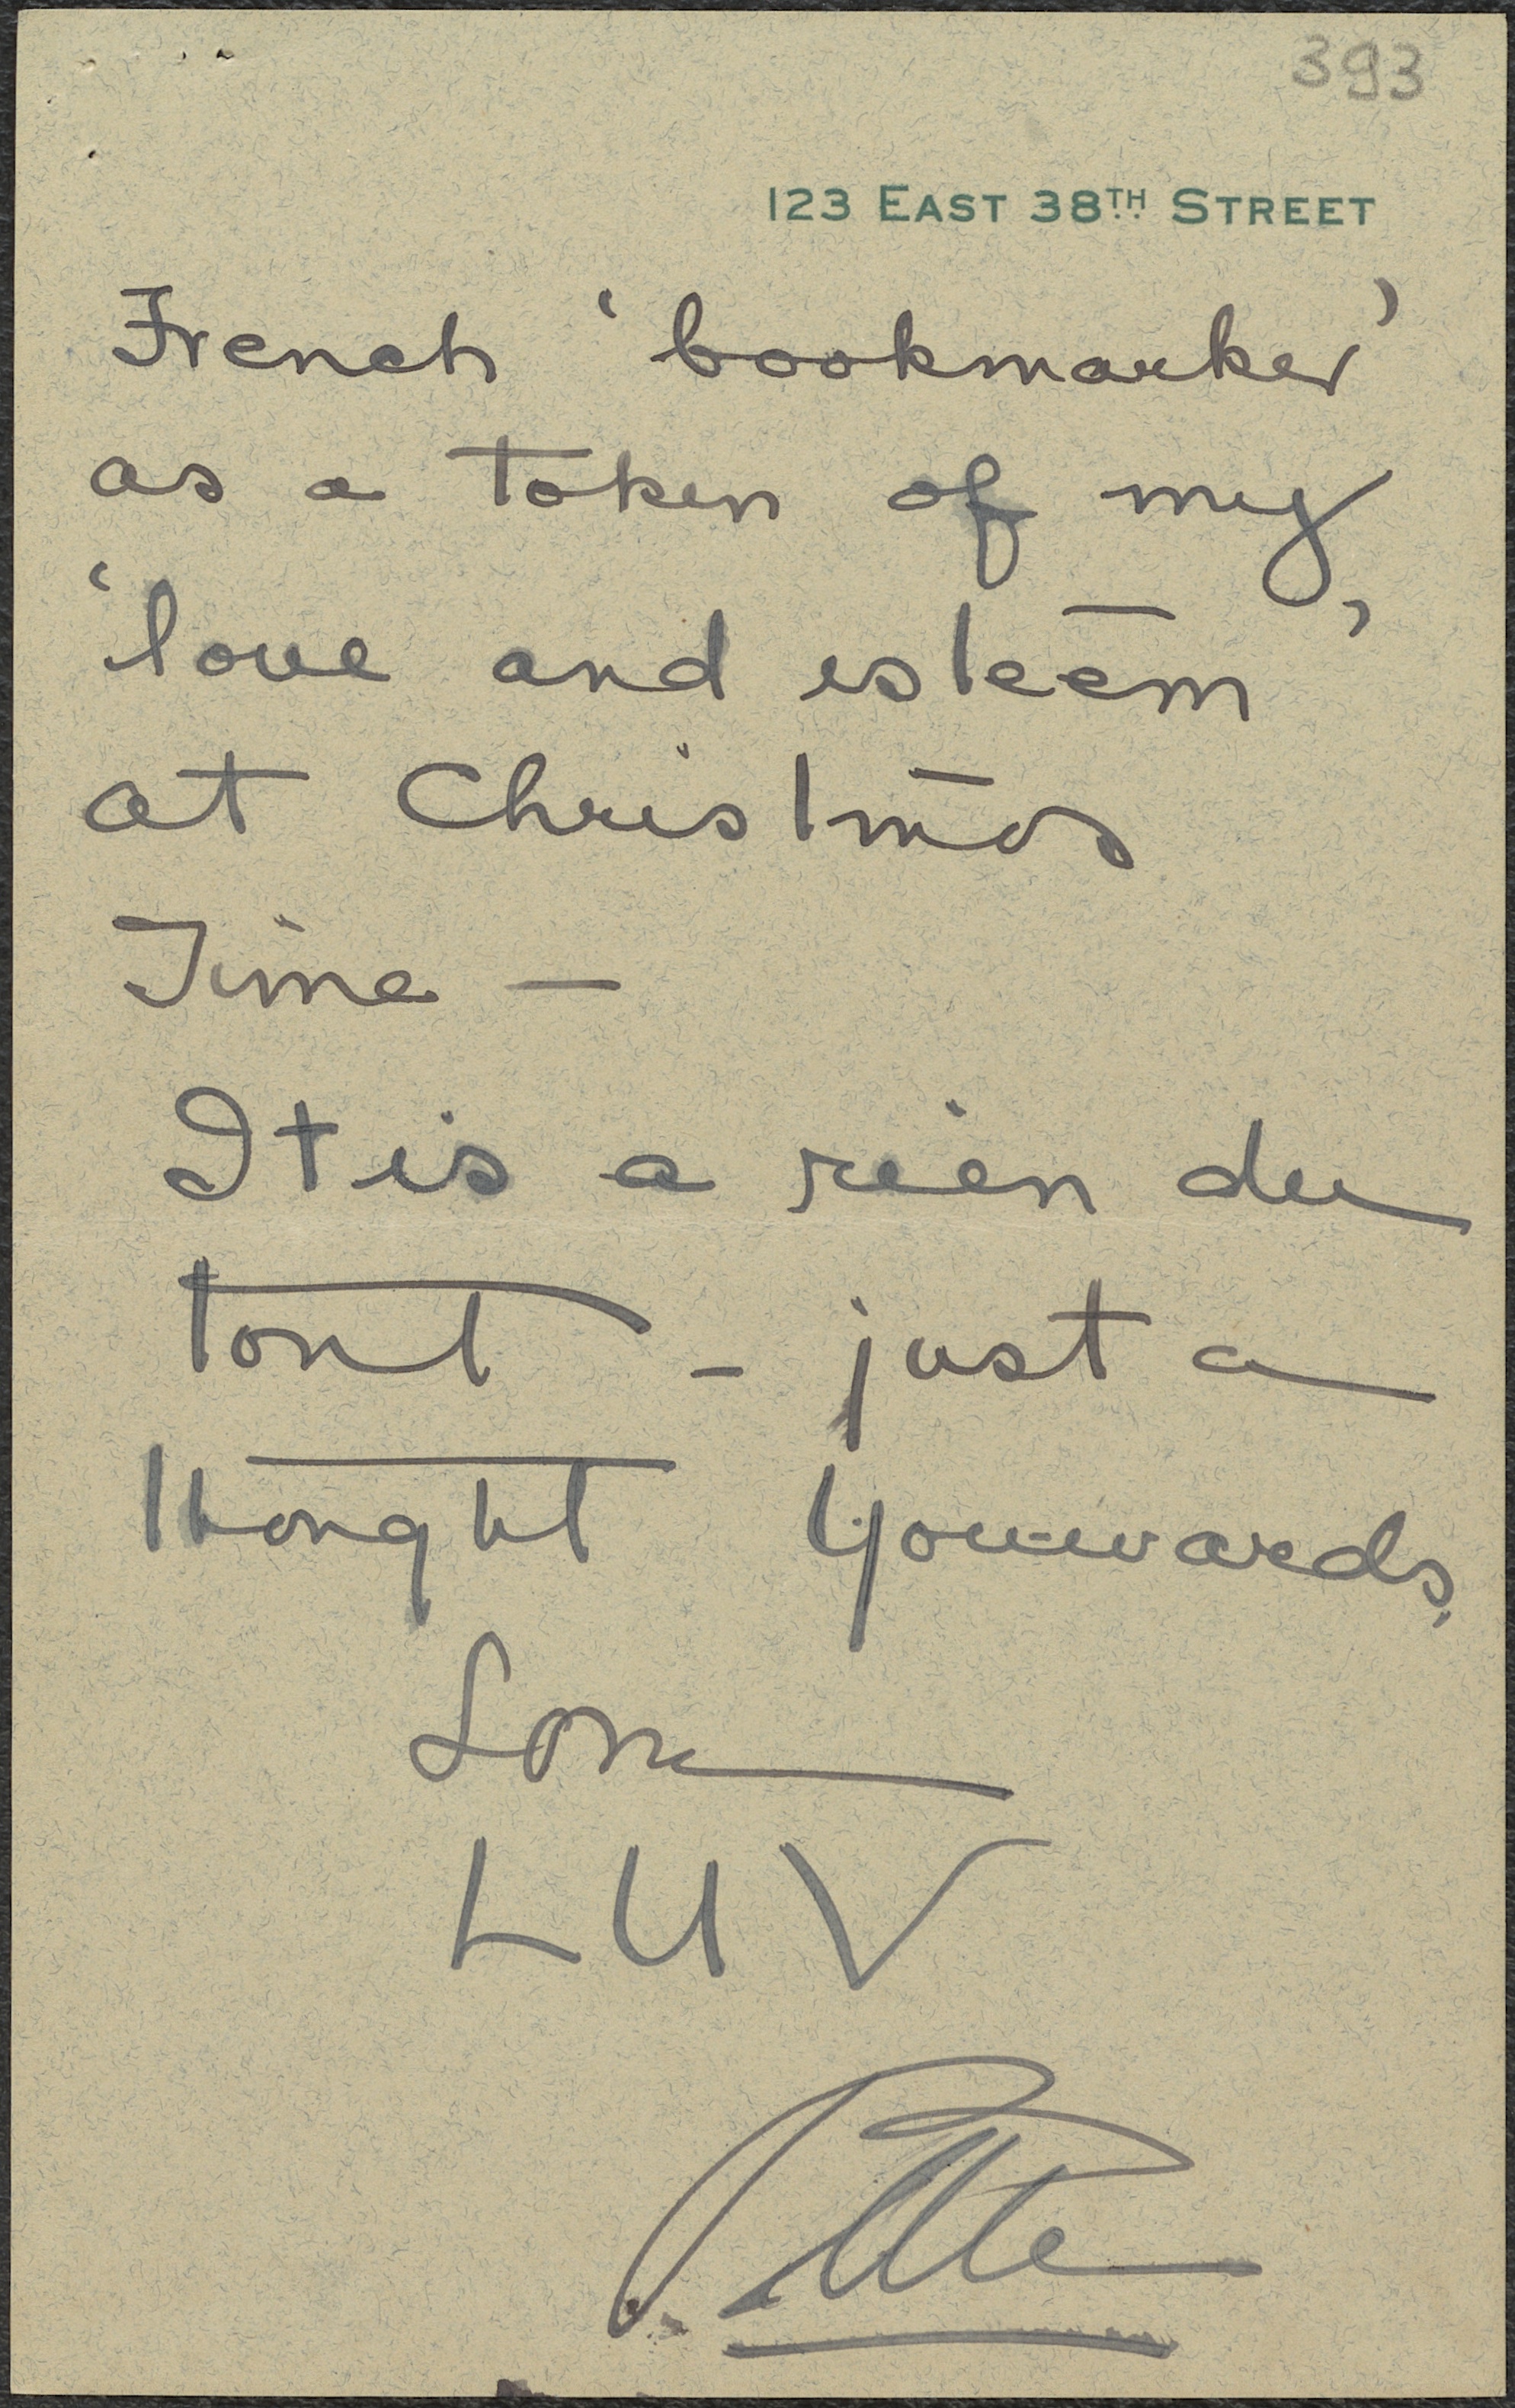French ‘bookmarker’ as a token of my ‘love and esteem’ at Christmas Time –
It is a rien du tout – just a thought You-wards,
Love
LUV
Belle